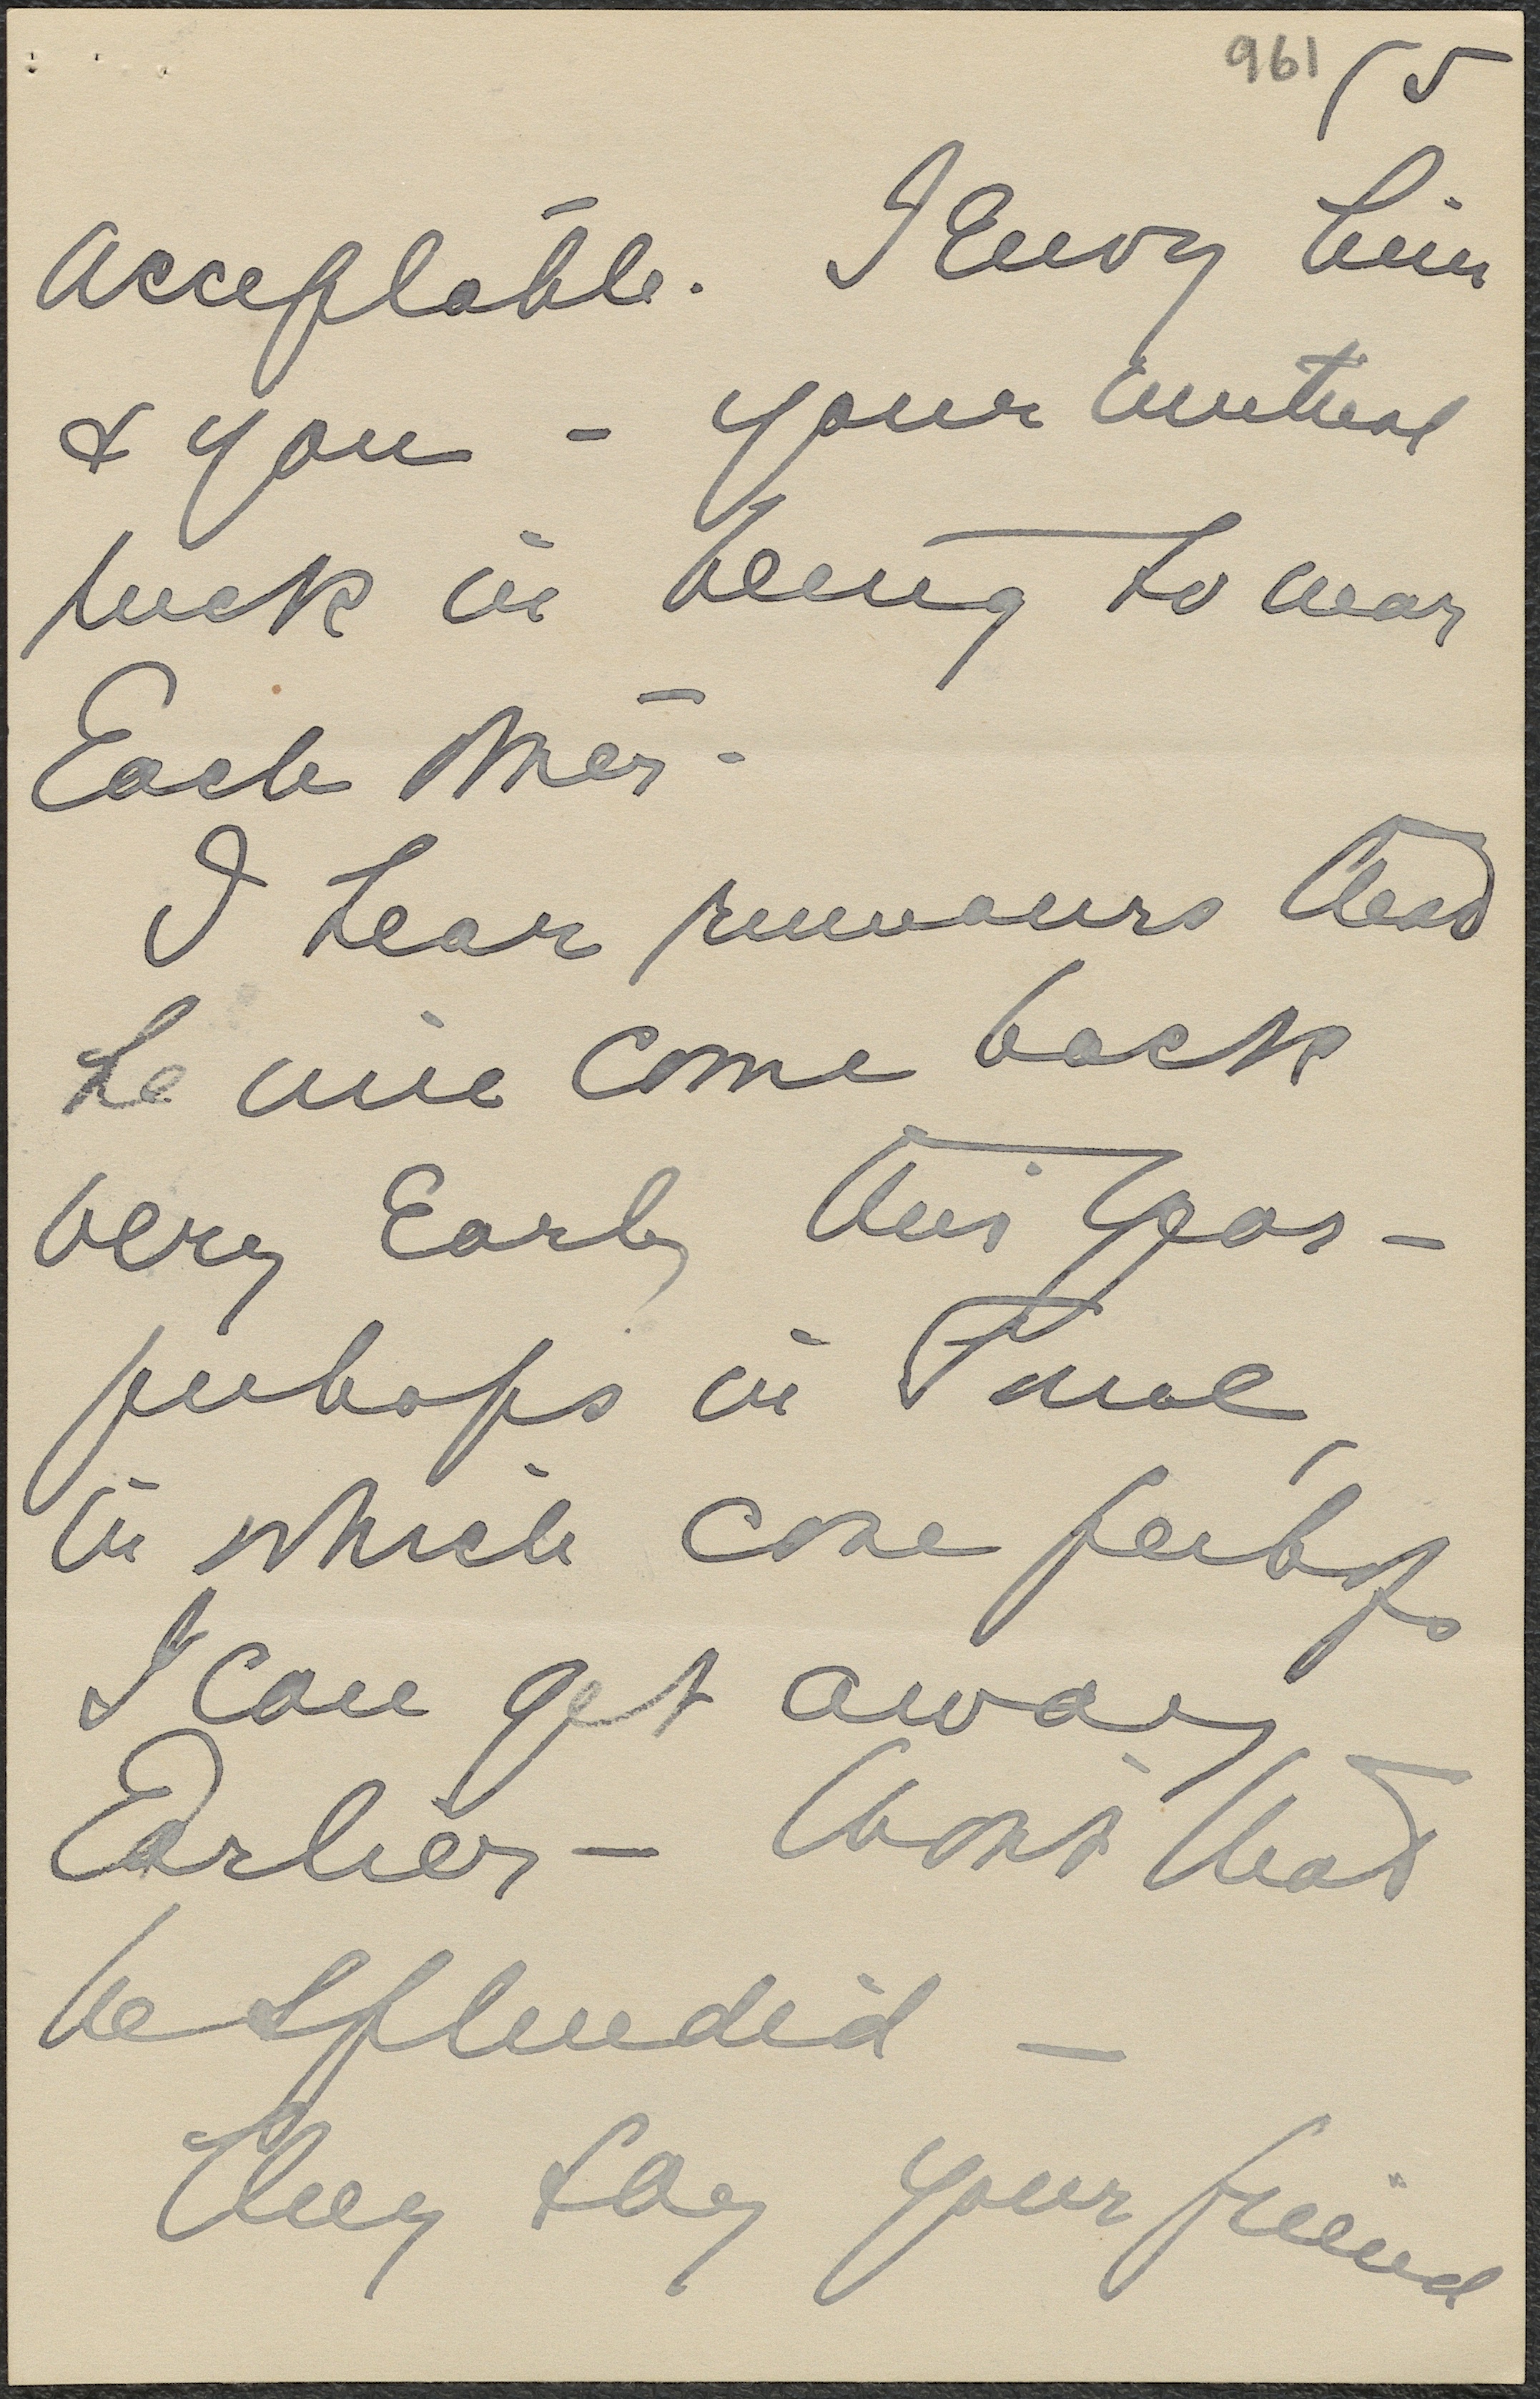acceptable. I envy him & you – your mutual luck in being so near each other –
I hear rumours that he will come back very early this year – perhaps in June, in which case perhaps I can get away earlier – Won’t that be splendid –
They say your friend